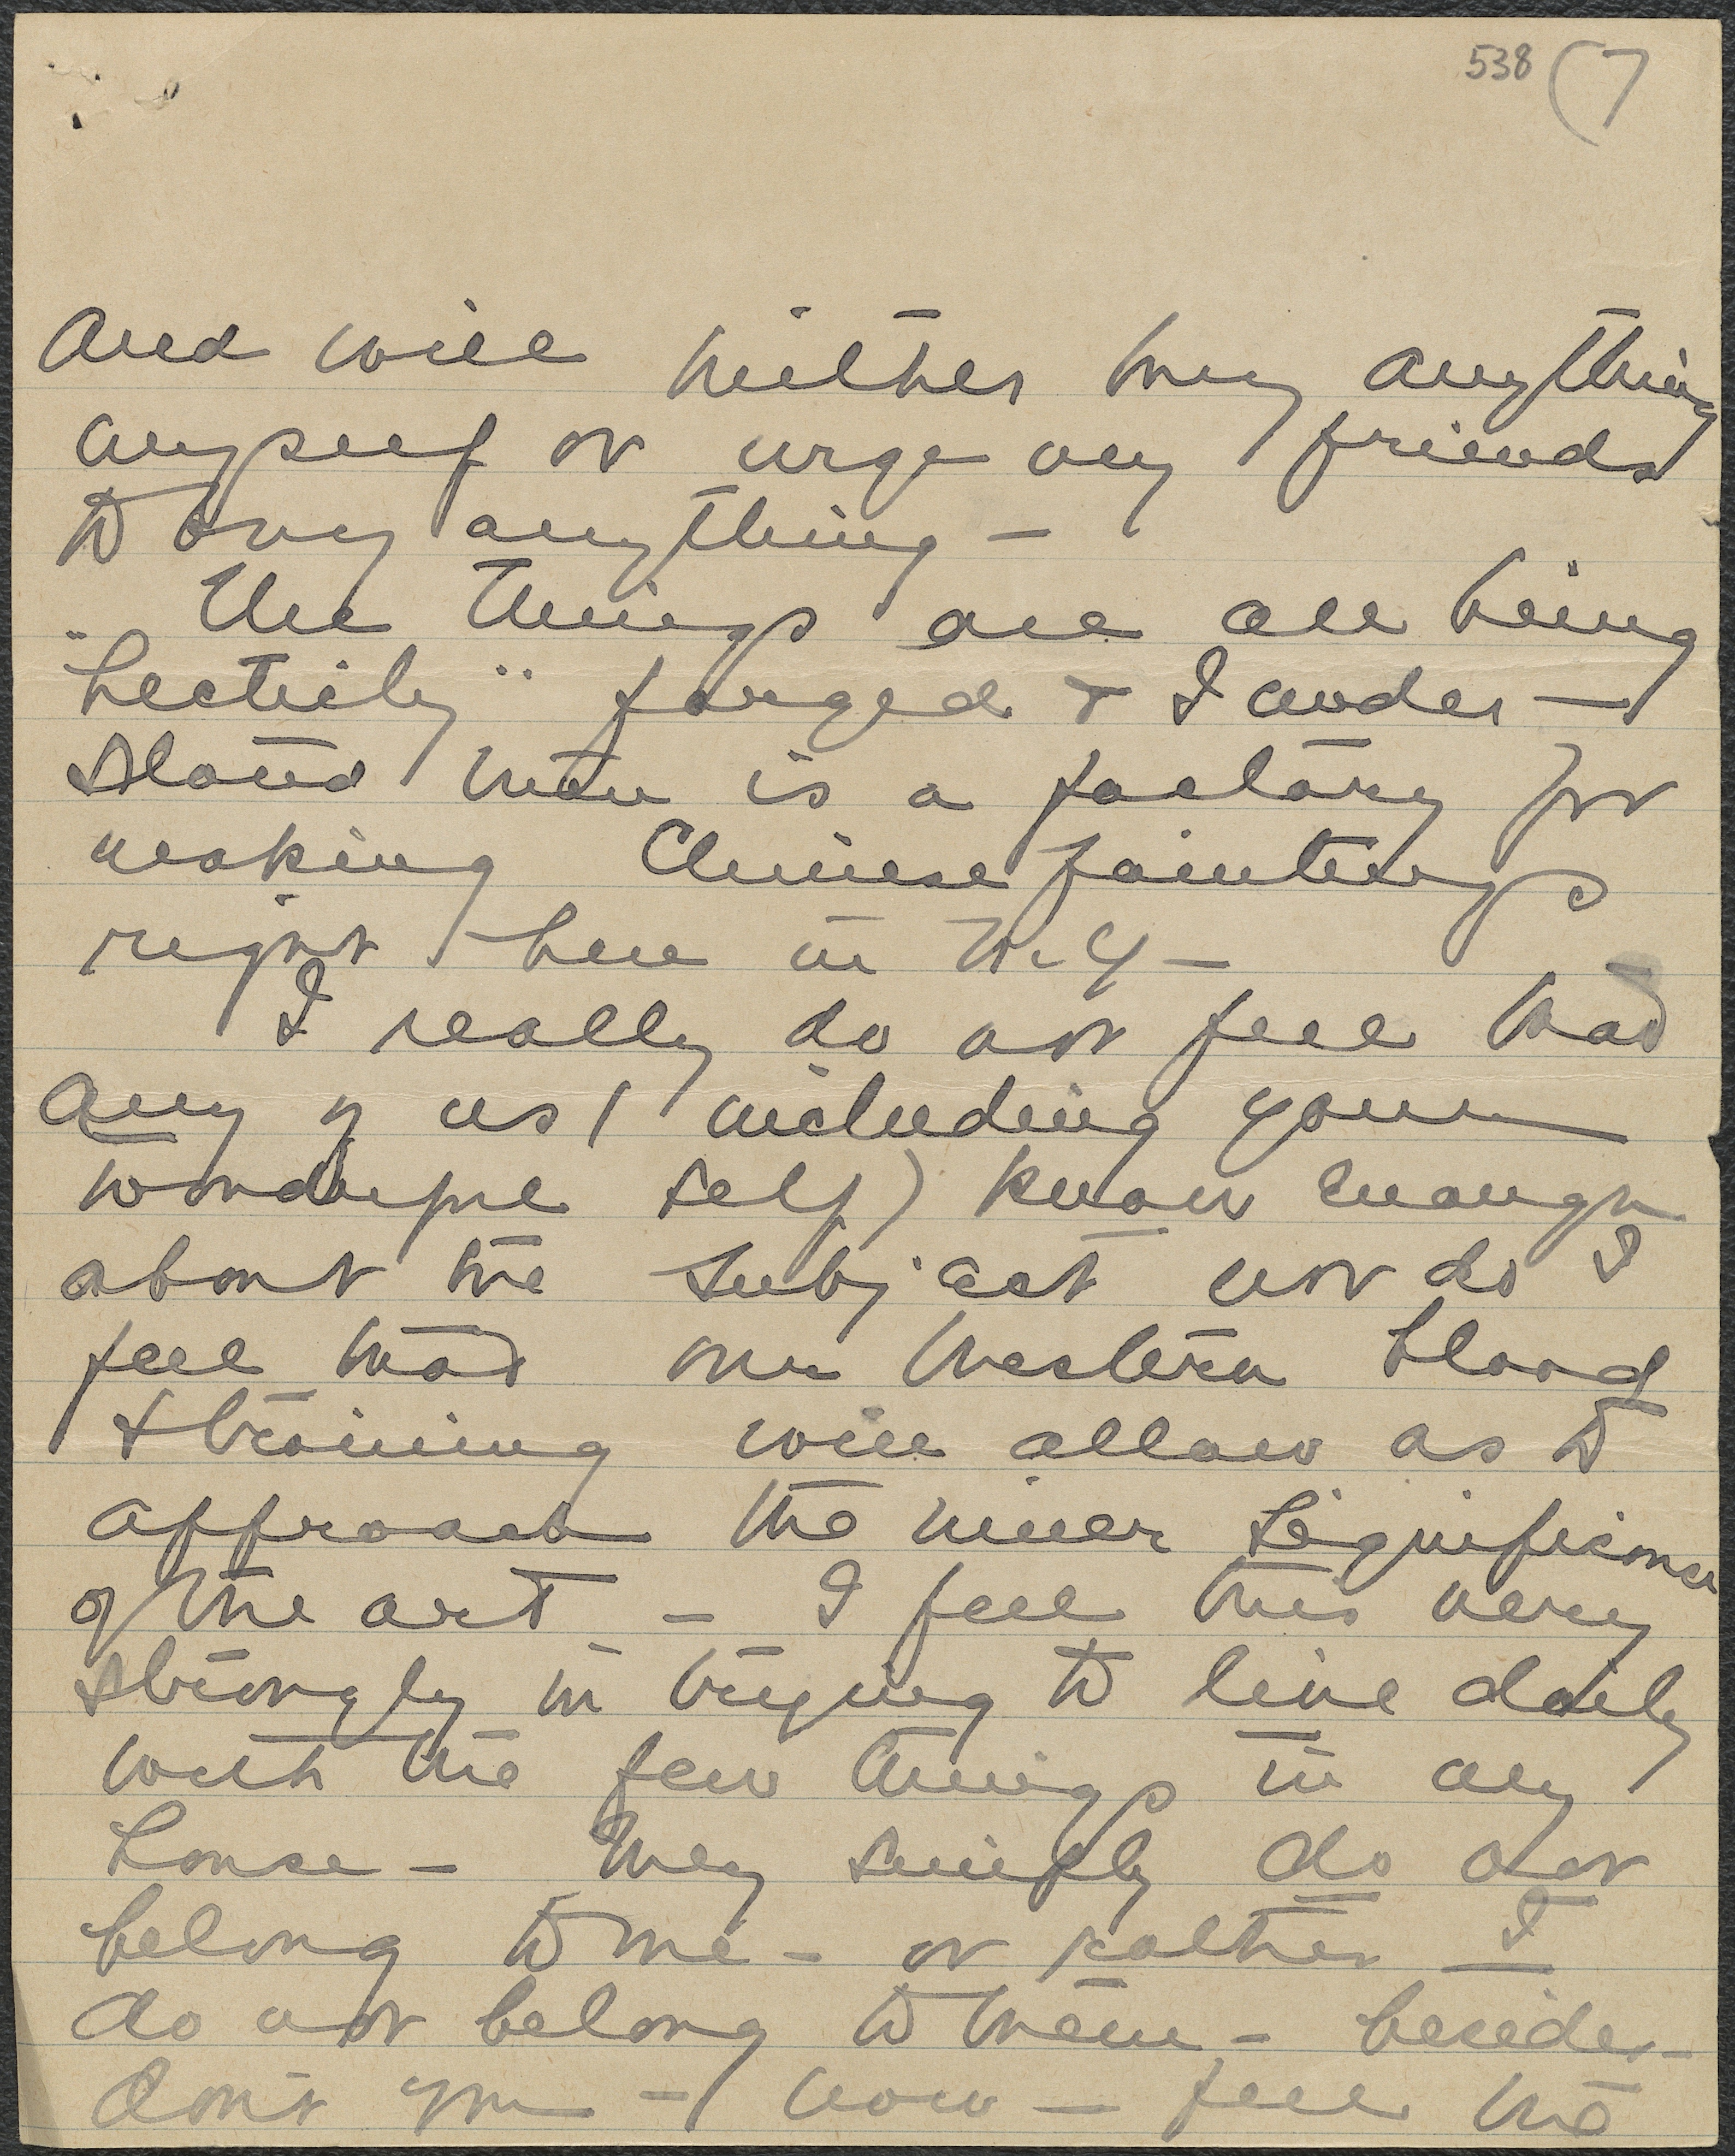and will neither buy anything myself or urge my friends to buy anything –
The things are all being “hecticly” forged & I understand there is a factory for making Chinese paintings right here in N.Y –
I really do not feel that any of us (including your wonderful self) know enough about the subject nor do I feel that our Western blood straining will allow us to approach the minor significance of the art – I feel this very strongly in trying to live daily with the few things in my house – they simply do not belong to me – or rather I do not belong to them – besides – don’t you – now – feel the